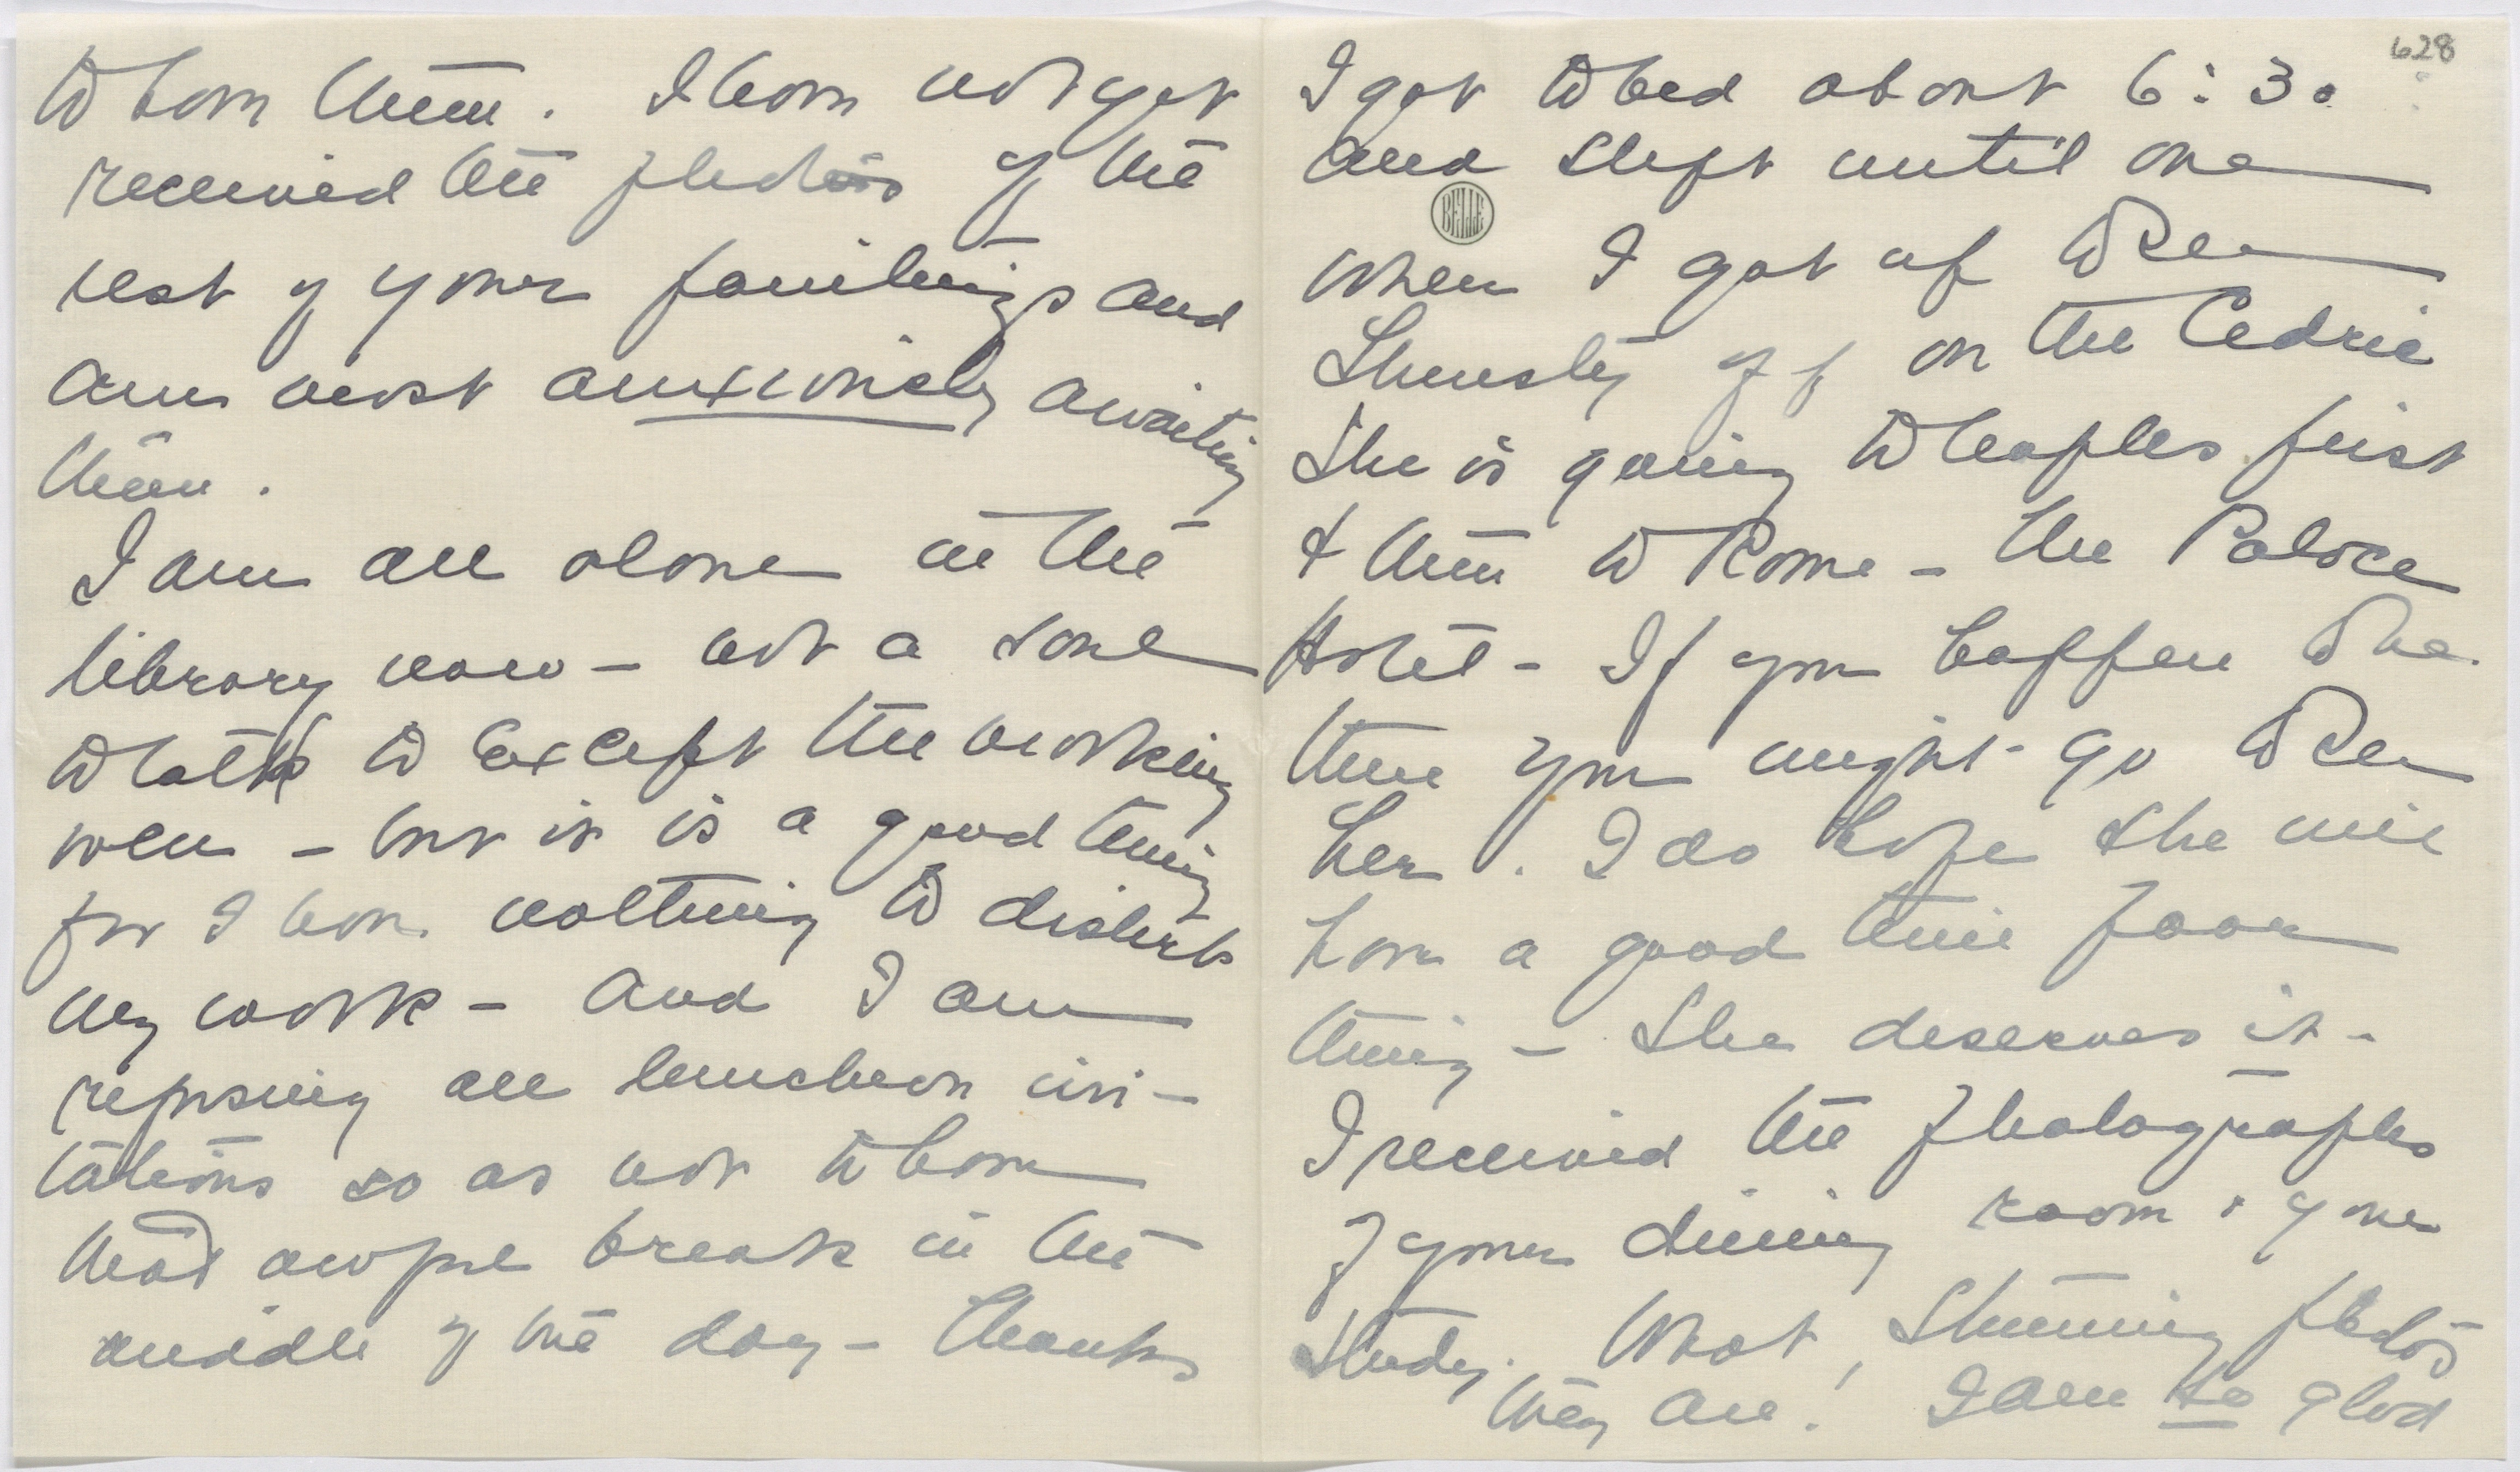I got to bed about 6:30 and slept until one when I got up to see Thursty off on the Cedric She is going to Naples first and then to Rome – The Palace Hotel – If you happen to be there you might go to see her. I do hope she will have a good time poor thing – She deserves it –
I received the photographs of your dining room & your study. What stunning photos they are! I am so glad
to have them. I have not yet received the photos of the rest of your paintings and am most anxiously awaiting them.
I am all alone in the library now – not a soul to talk to except the working men – but it is a good thing for I have nothing to disturb my work – and I am refusing all luncheon invitations so as not to have that awful break in the middle of the day – Thanks